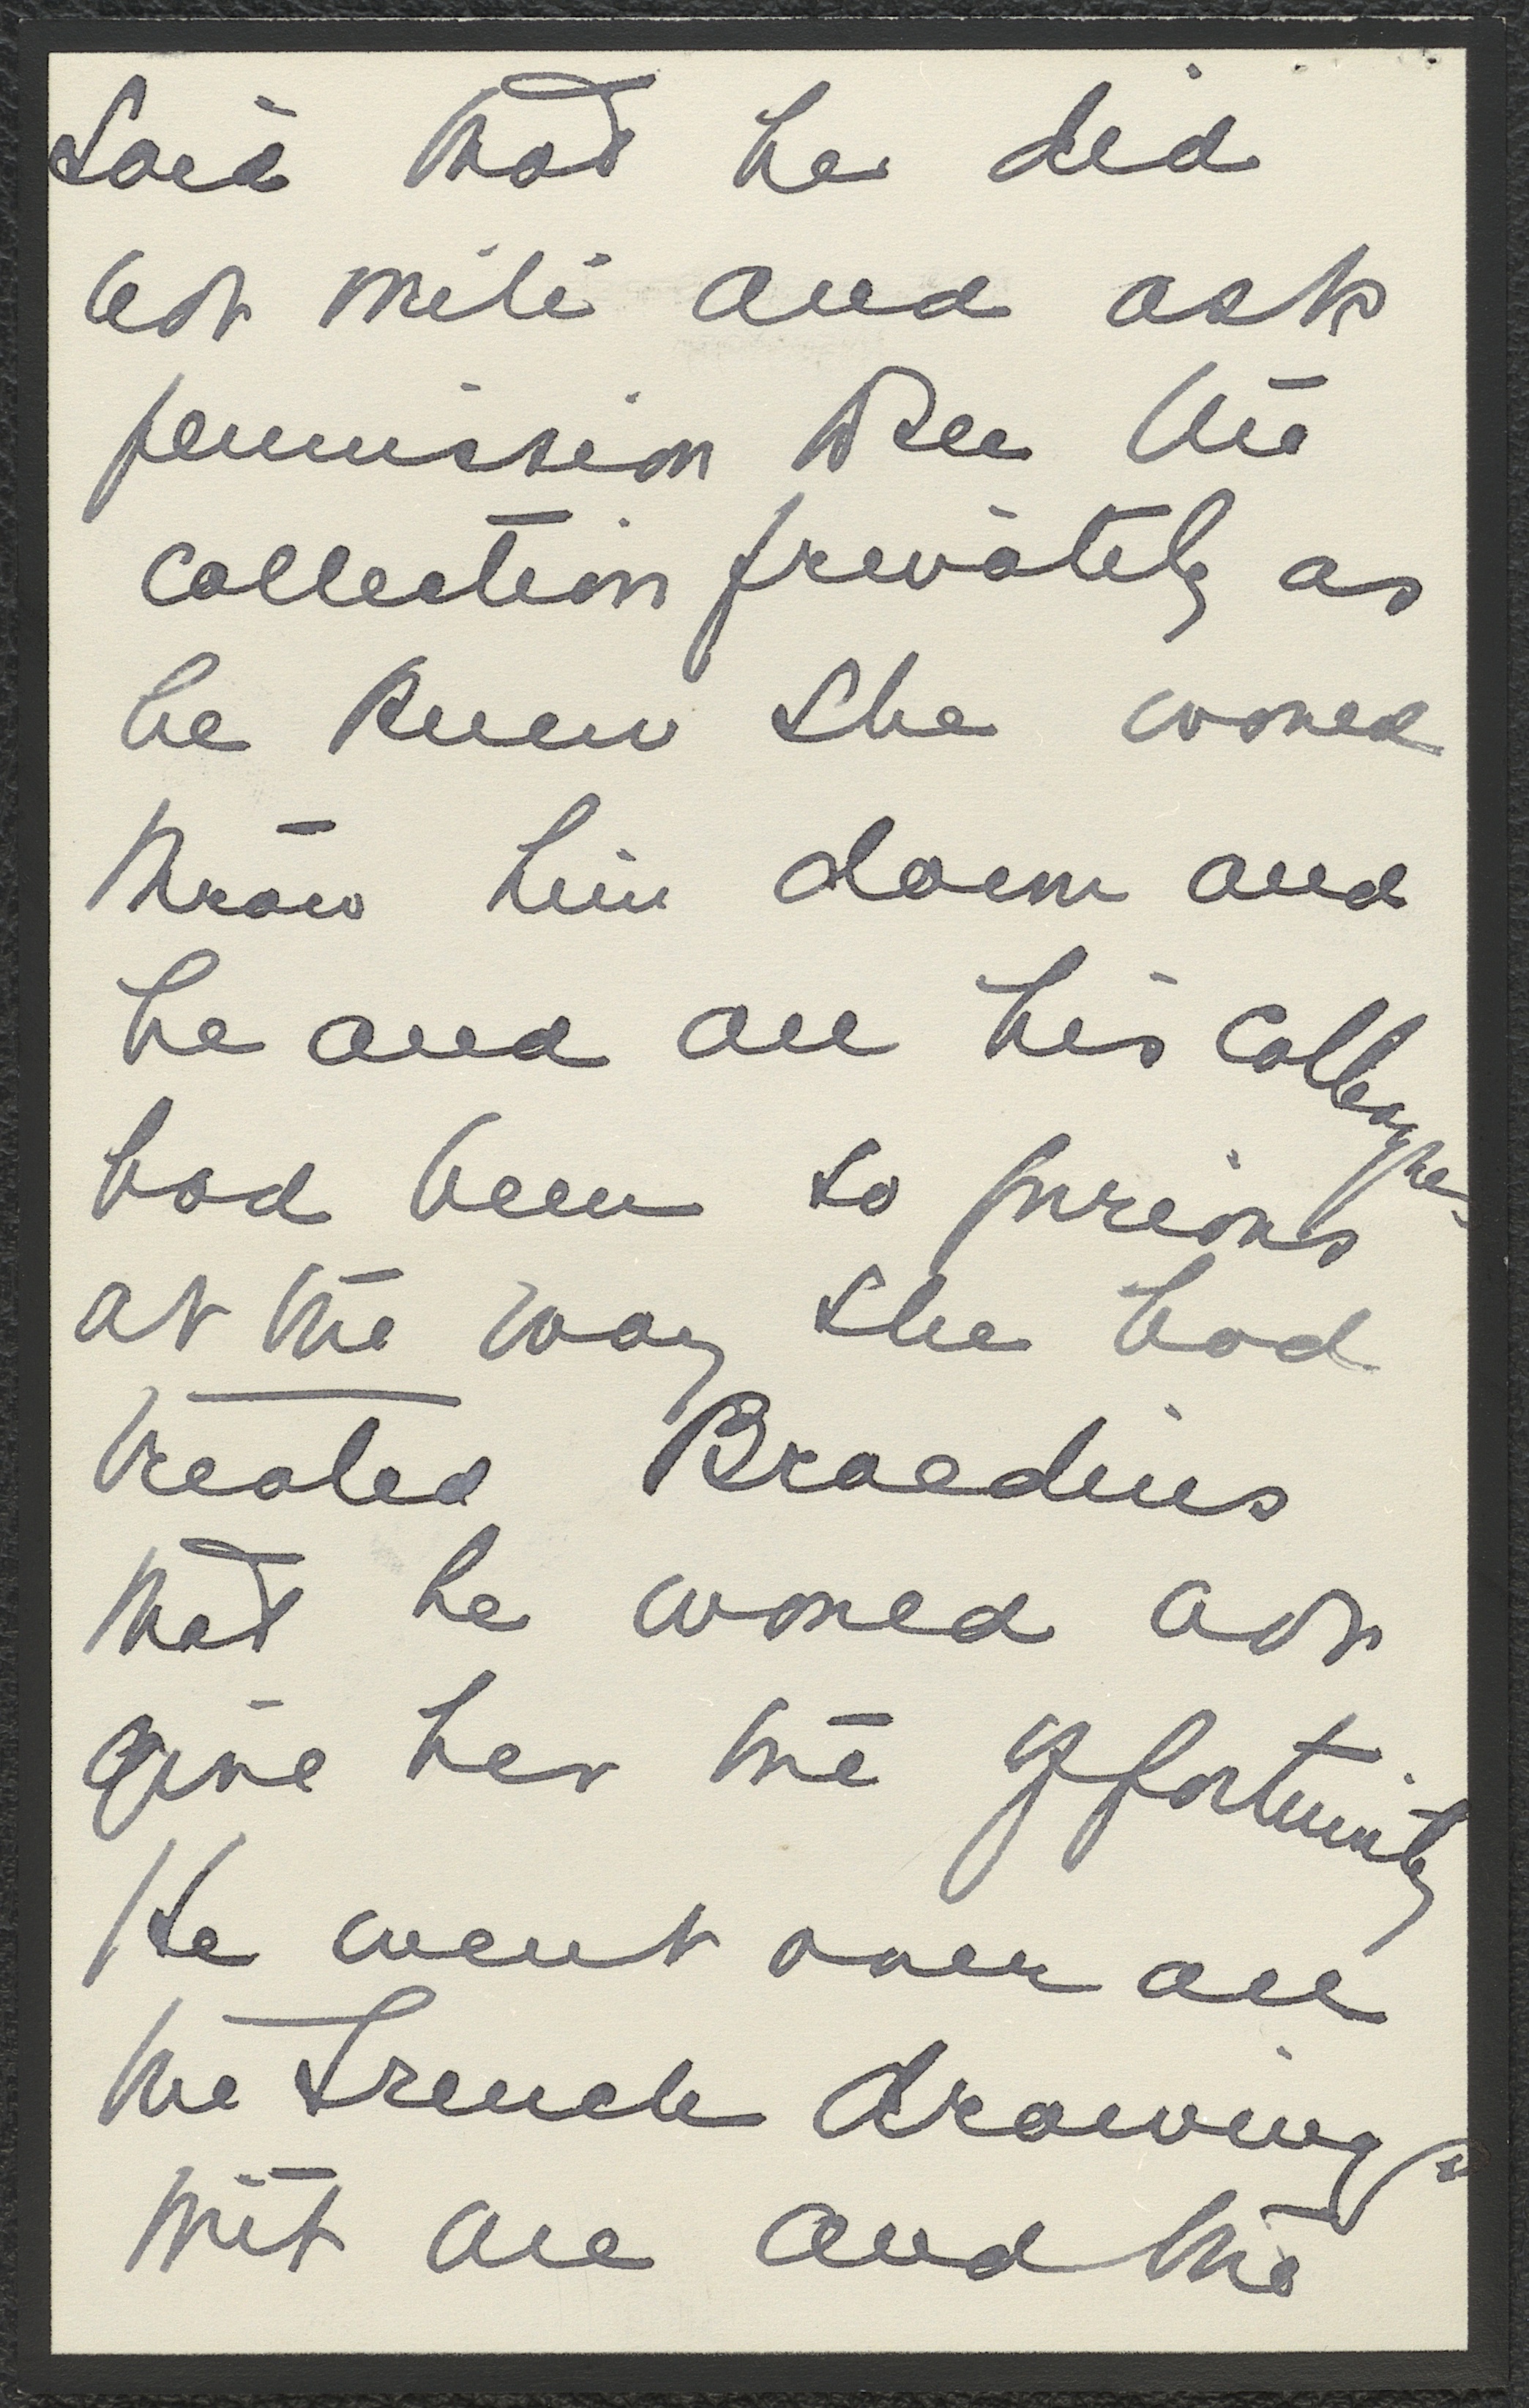said that he did not write and ask permission to see the collection privately as he knew she would throw him down and he and all his colleagues had been so furious at the way she had treated Braedius that he would not give her the opportunity He went over all the French drawings with me and the